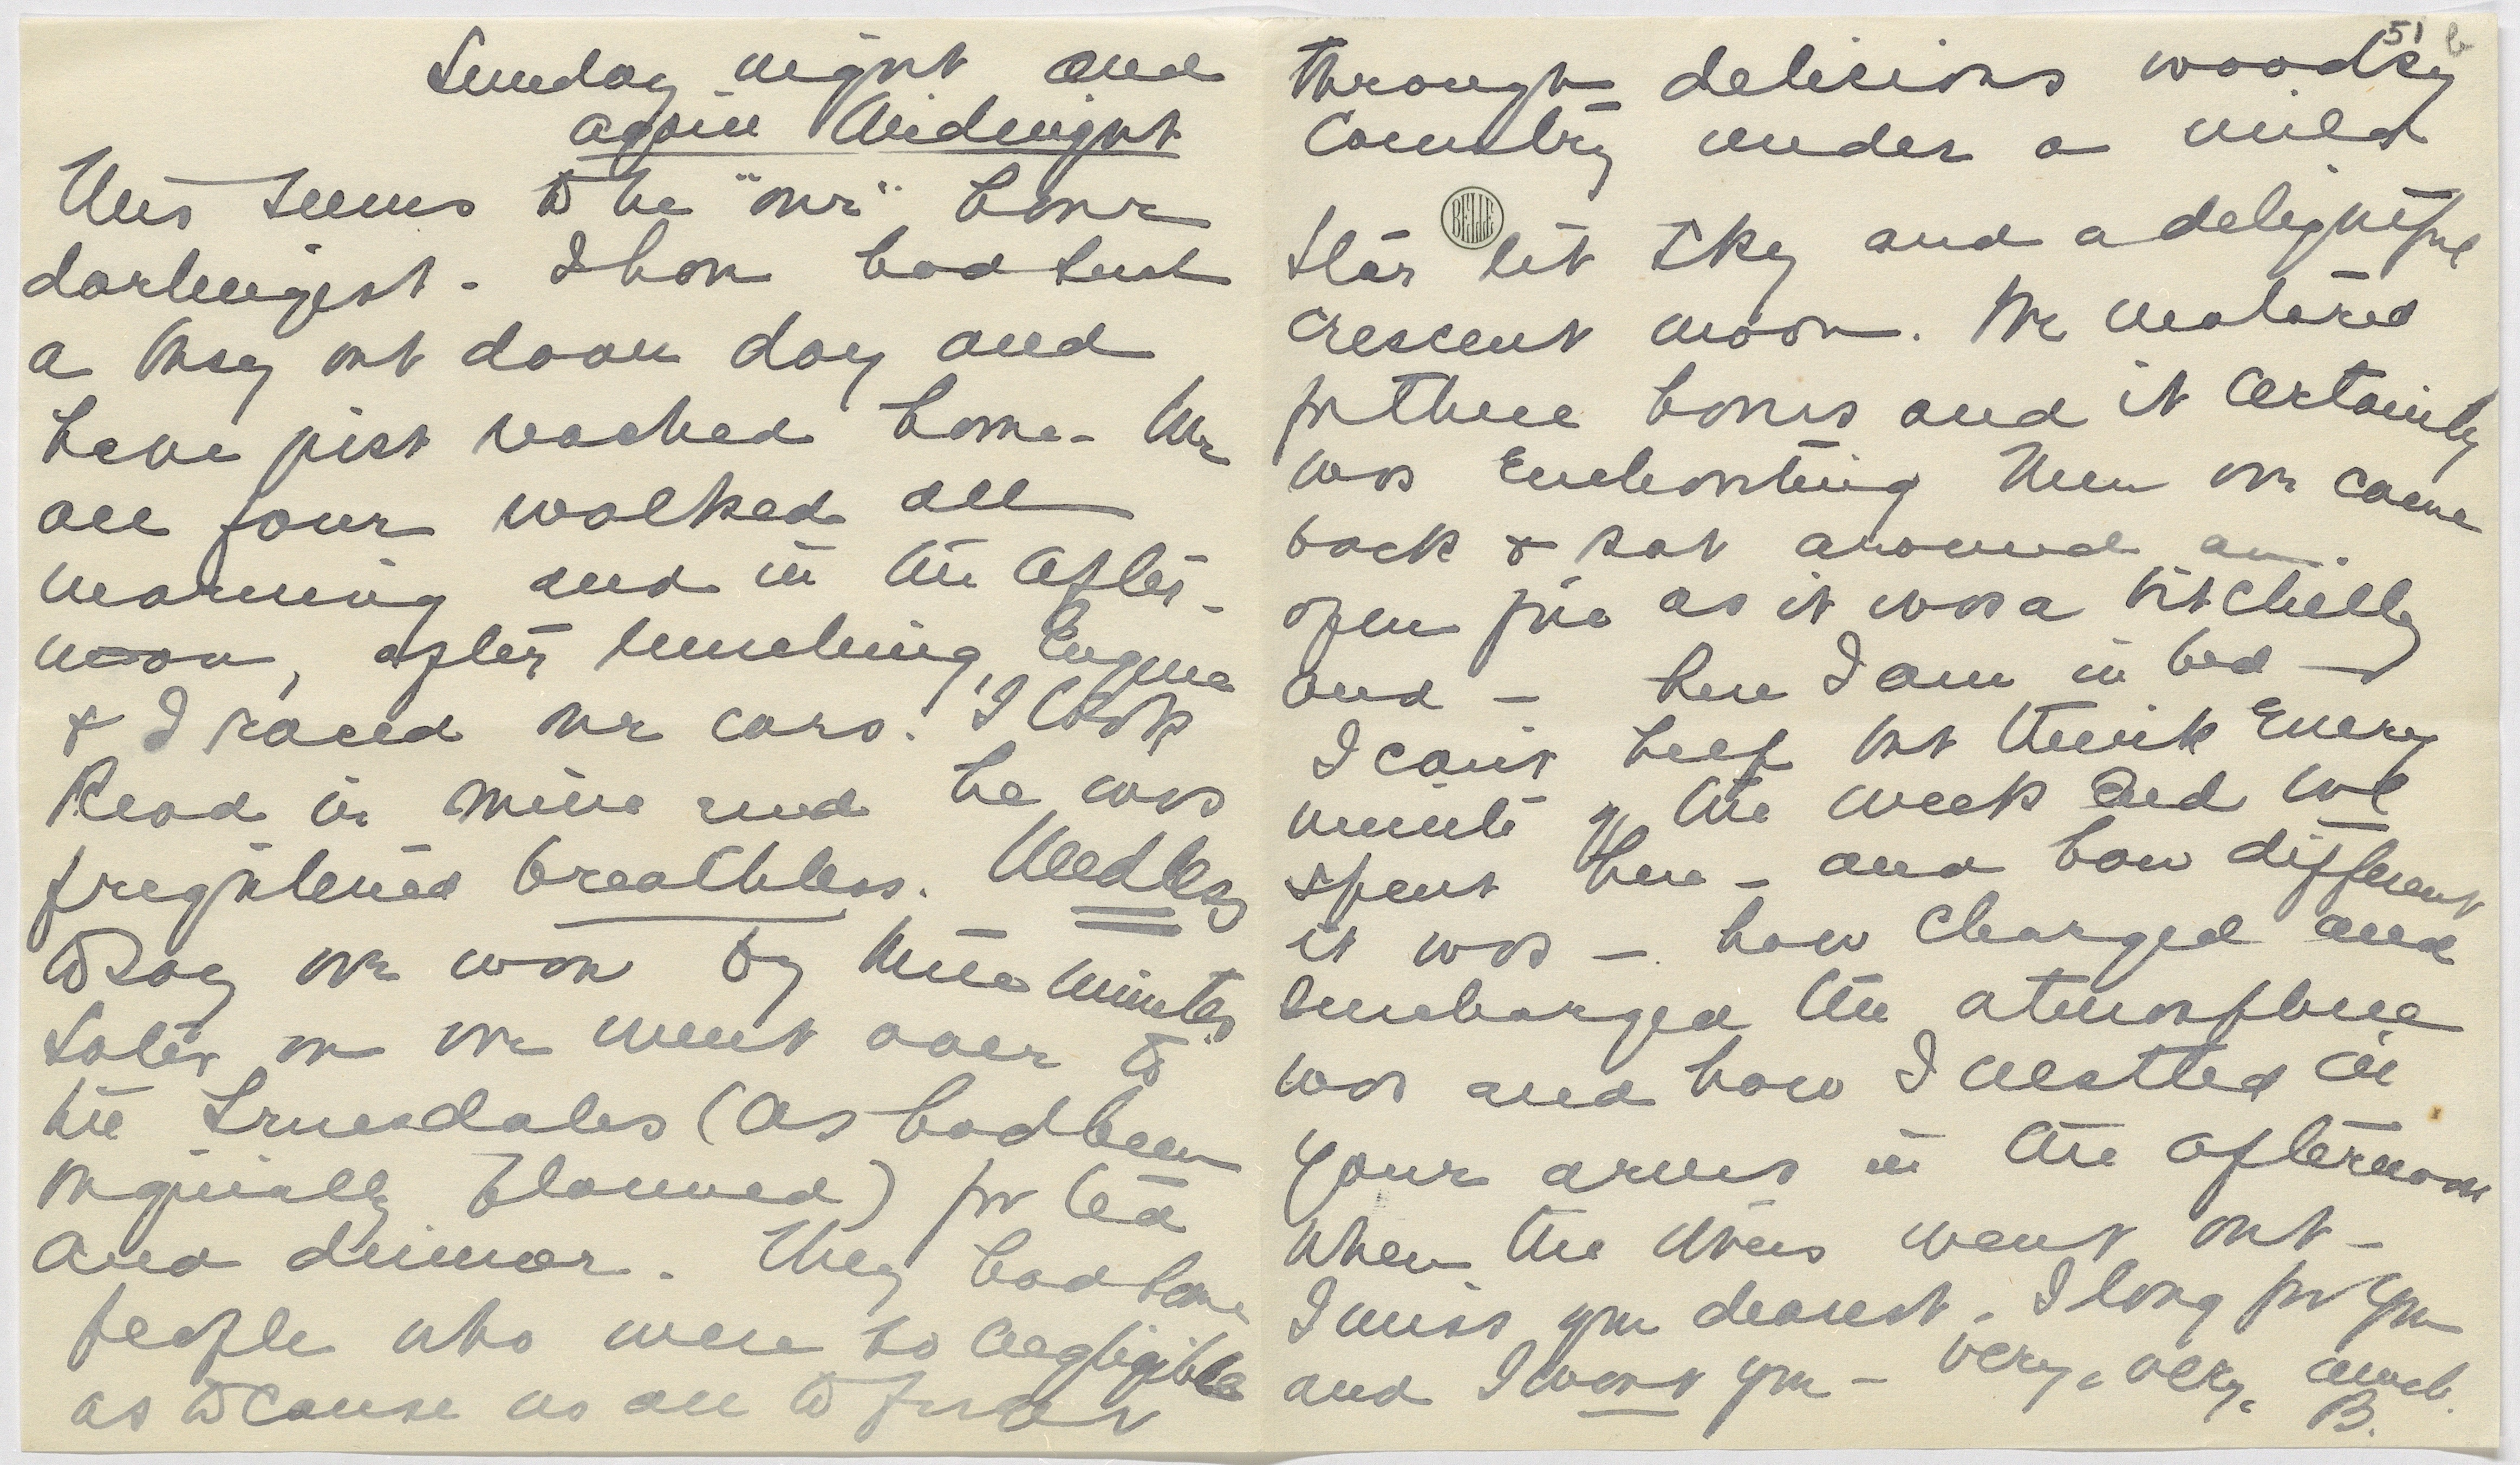through delicious woodsy country under a mild star lit sky and a delightful crescent moon. We motored for three hours and it certainly was enchanting when we came back & sat around an open fire as it was a bit chilly and – here I am in bed – I can’t help but think every minute of the week end we spent here – and how different it was – how charged and surcharged the atmosphere was and how I nestled in your arms in the afternoon when the others went out – I miss you dearest – I long for you and I want you – very, very, much. B.
Sunday night and again Midnight
This seems to be “our” hour darlingest – I have had such a busy out door day and have just reached home – We all four walked all morning and in the afternoon, after lunching, Eugene & I raced our cars! I took Read in mine and he was frightened breathless. [double underlined: Needless] to say we won by three minutes. Later on we went over to the Truesdales (as had been originally planned) for tea and dinner. They had some people who were so negligible as to cause us all to forget